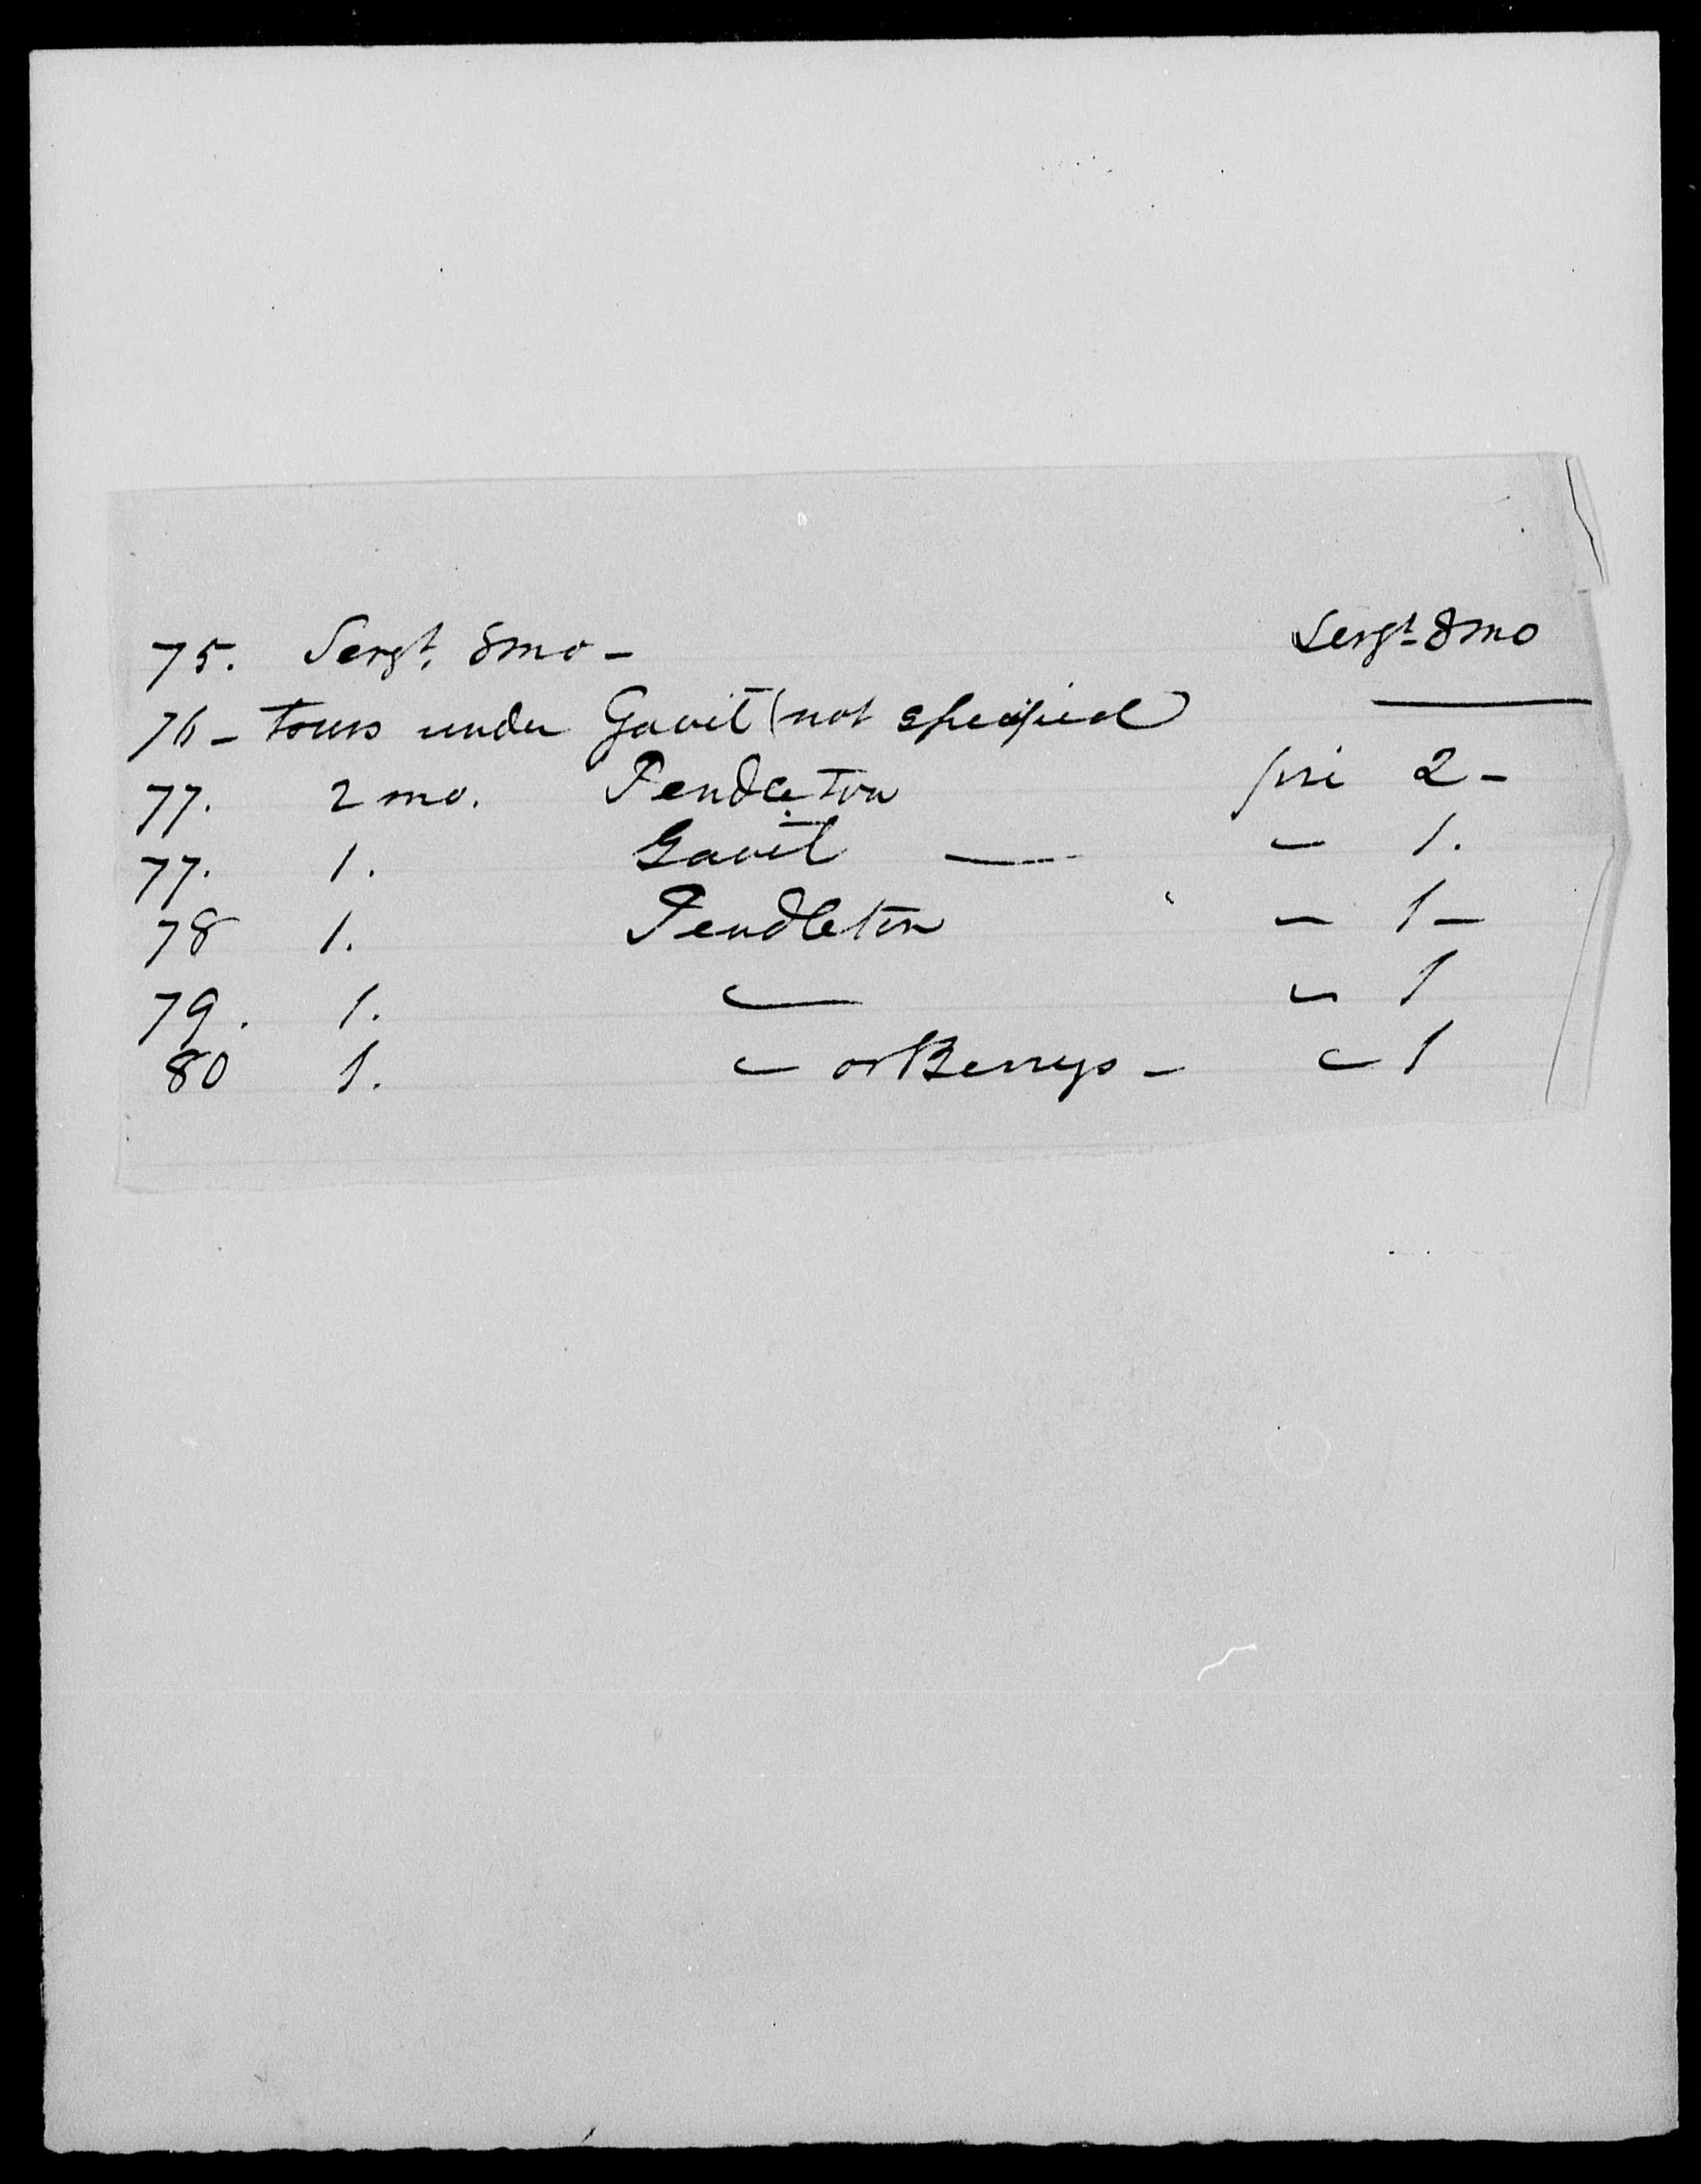75 Sergt. 8 mo Sergt. 8 mo
76 Tours under Givt (not specified
77 2 mo Pendleton priv 2
77 1 Gavit 1
78 1 Pedleton 1
79 1 1
80 1 Berrys 1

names: Gavit, Gavit, Pendleton, Pendleton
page: 16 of 48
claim: widow's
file: W. 17,628, Arnold Clarke, R.I.